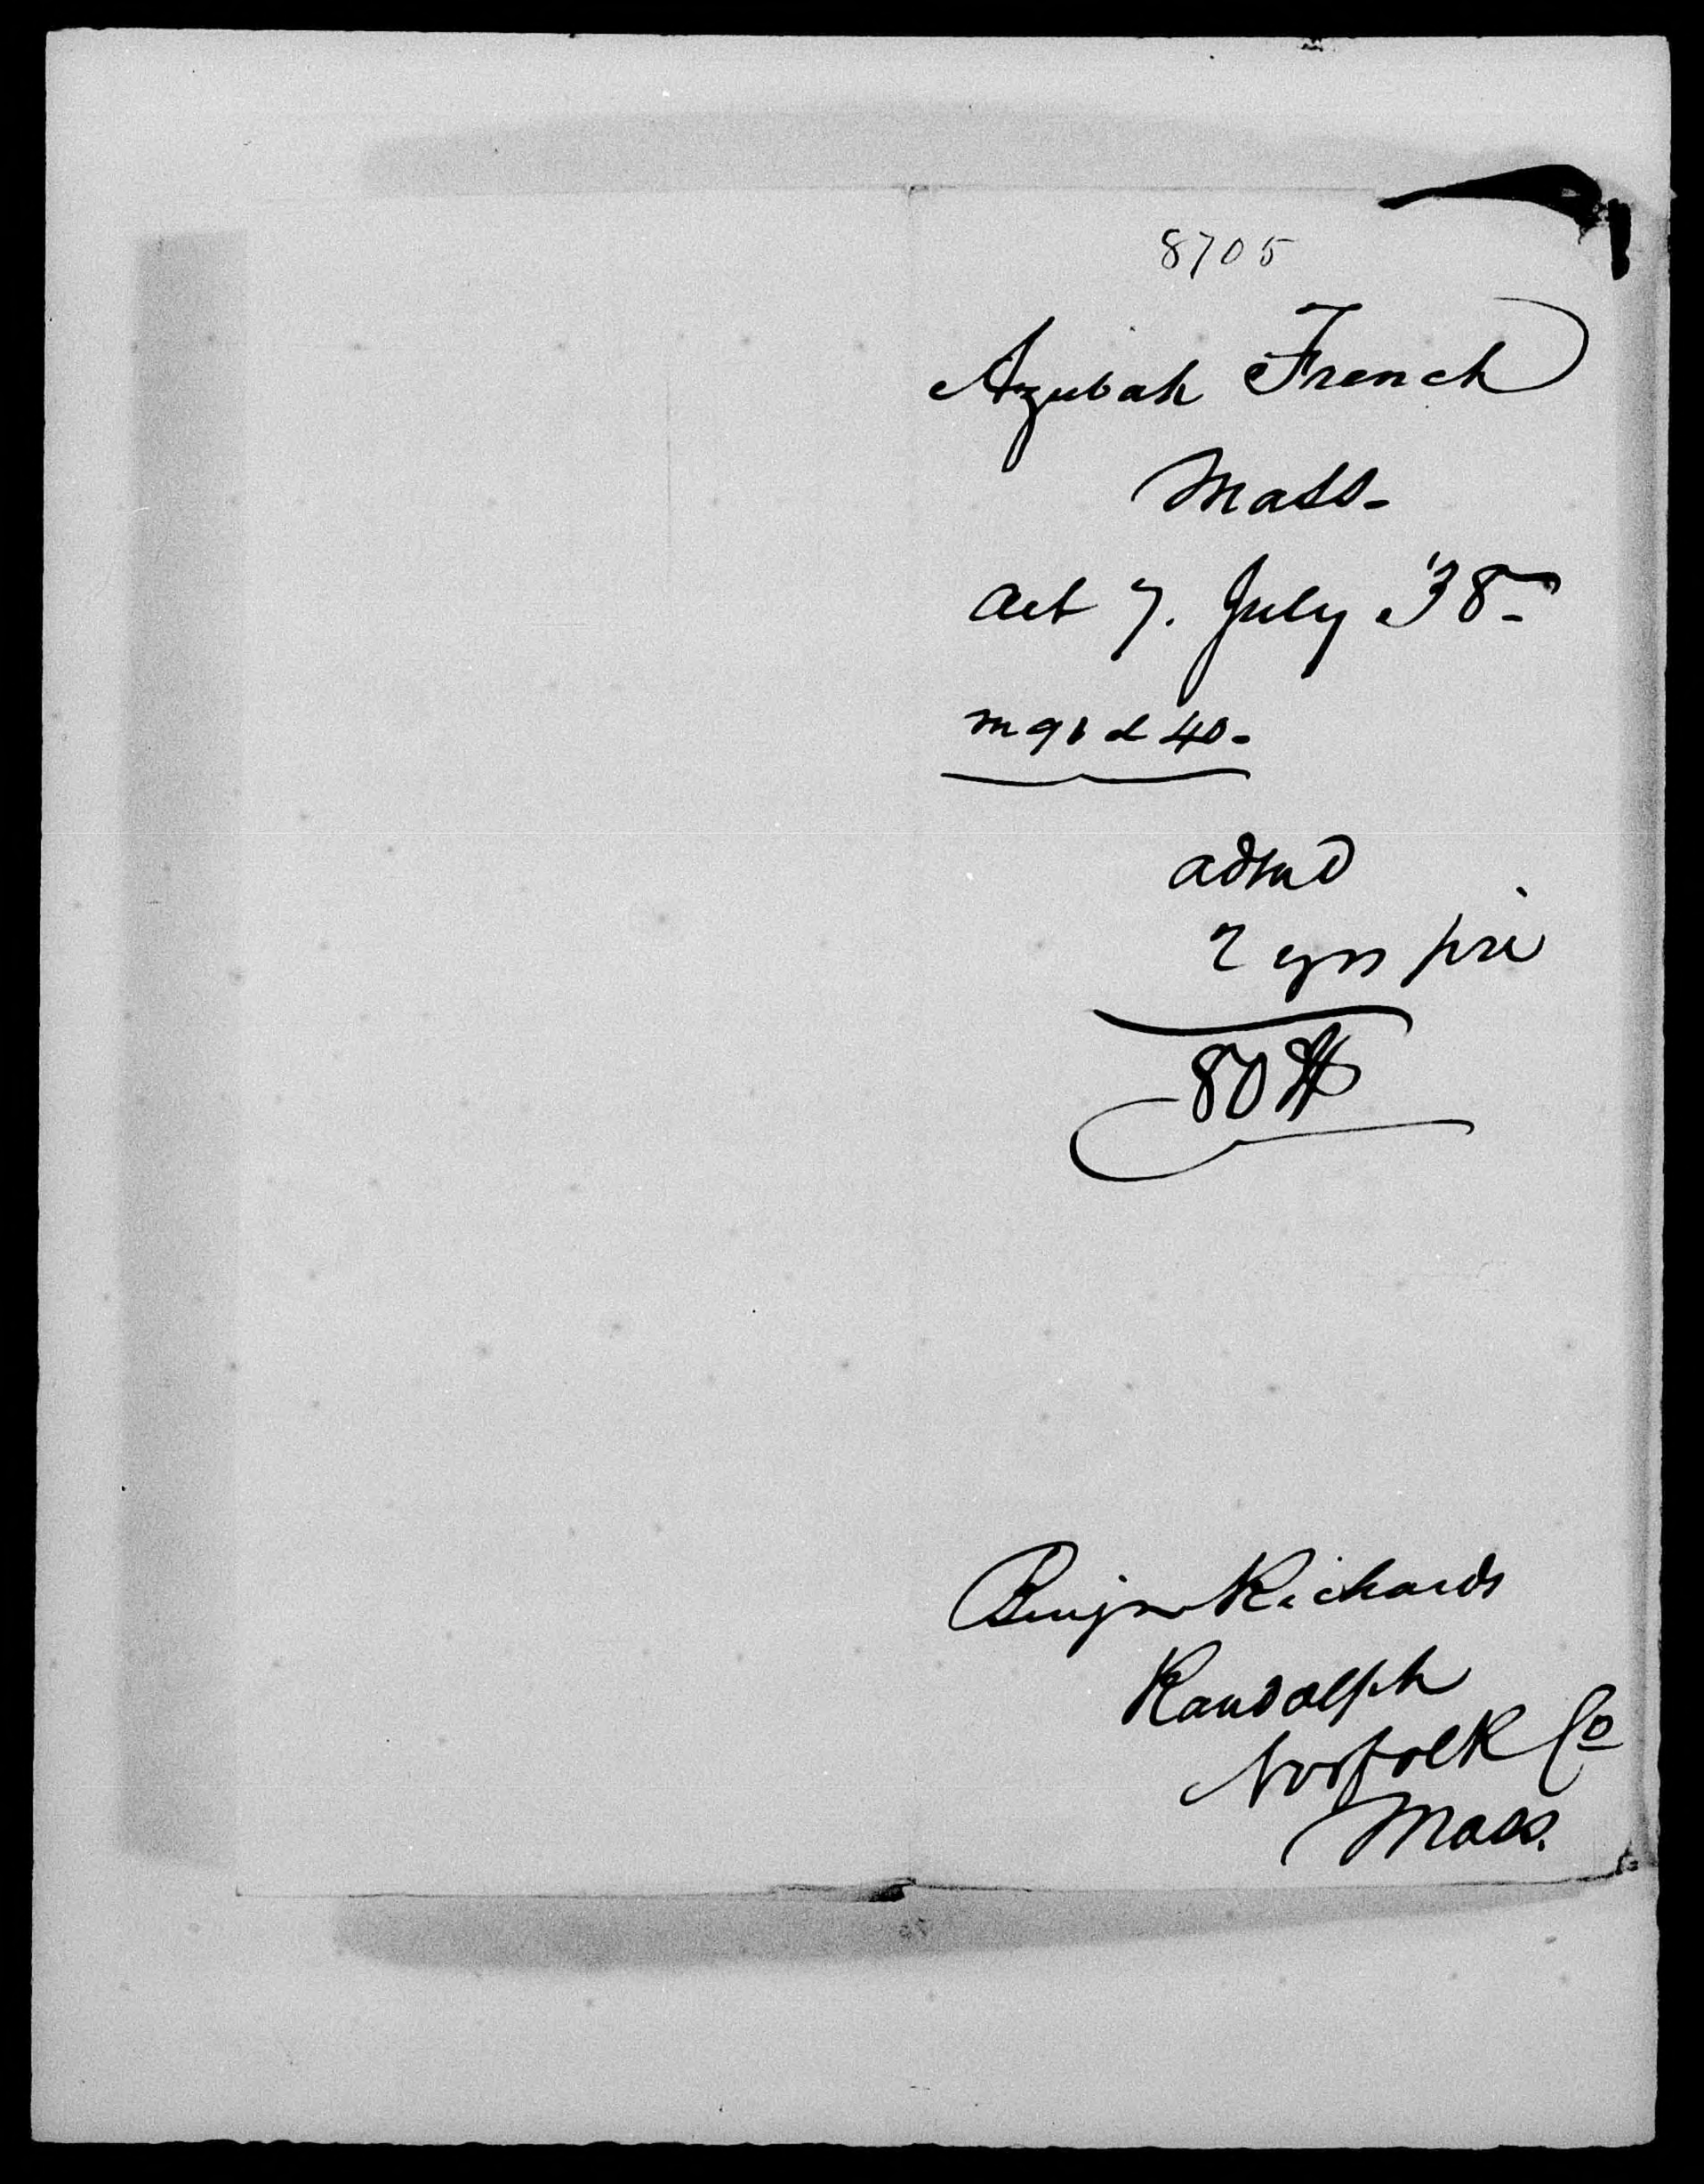8705 
Azubah French Mass 

Act 7 July 38 
Mar 40 

admd 23 yrs pri
$80 

Benjn Richards 
Randolph 
Norfolk Co
Mass.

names: Azubah French, Benjn Richards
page: 14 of 38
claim: widow's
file: W. 24,235, Silvanus French, Mass.